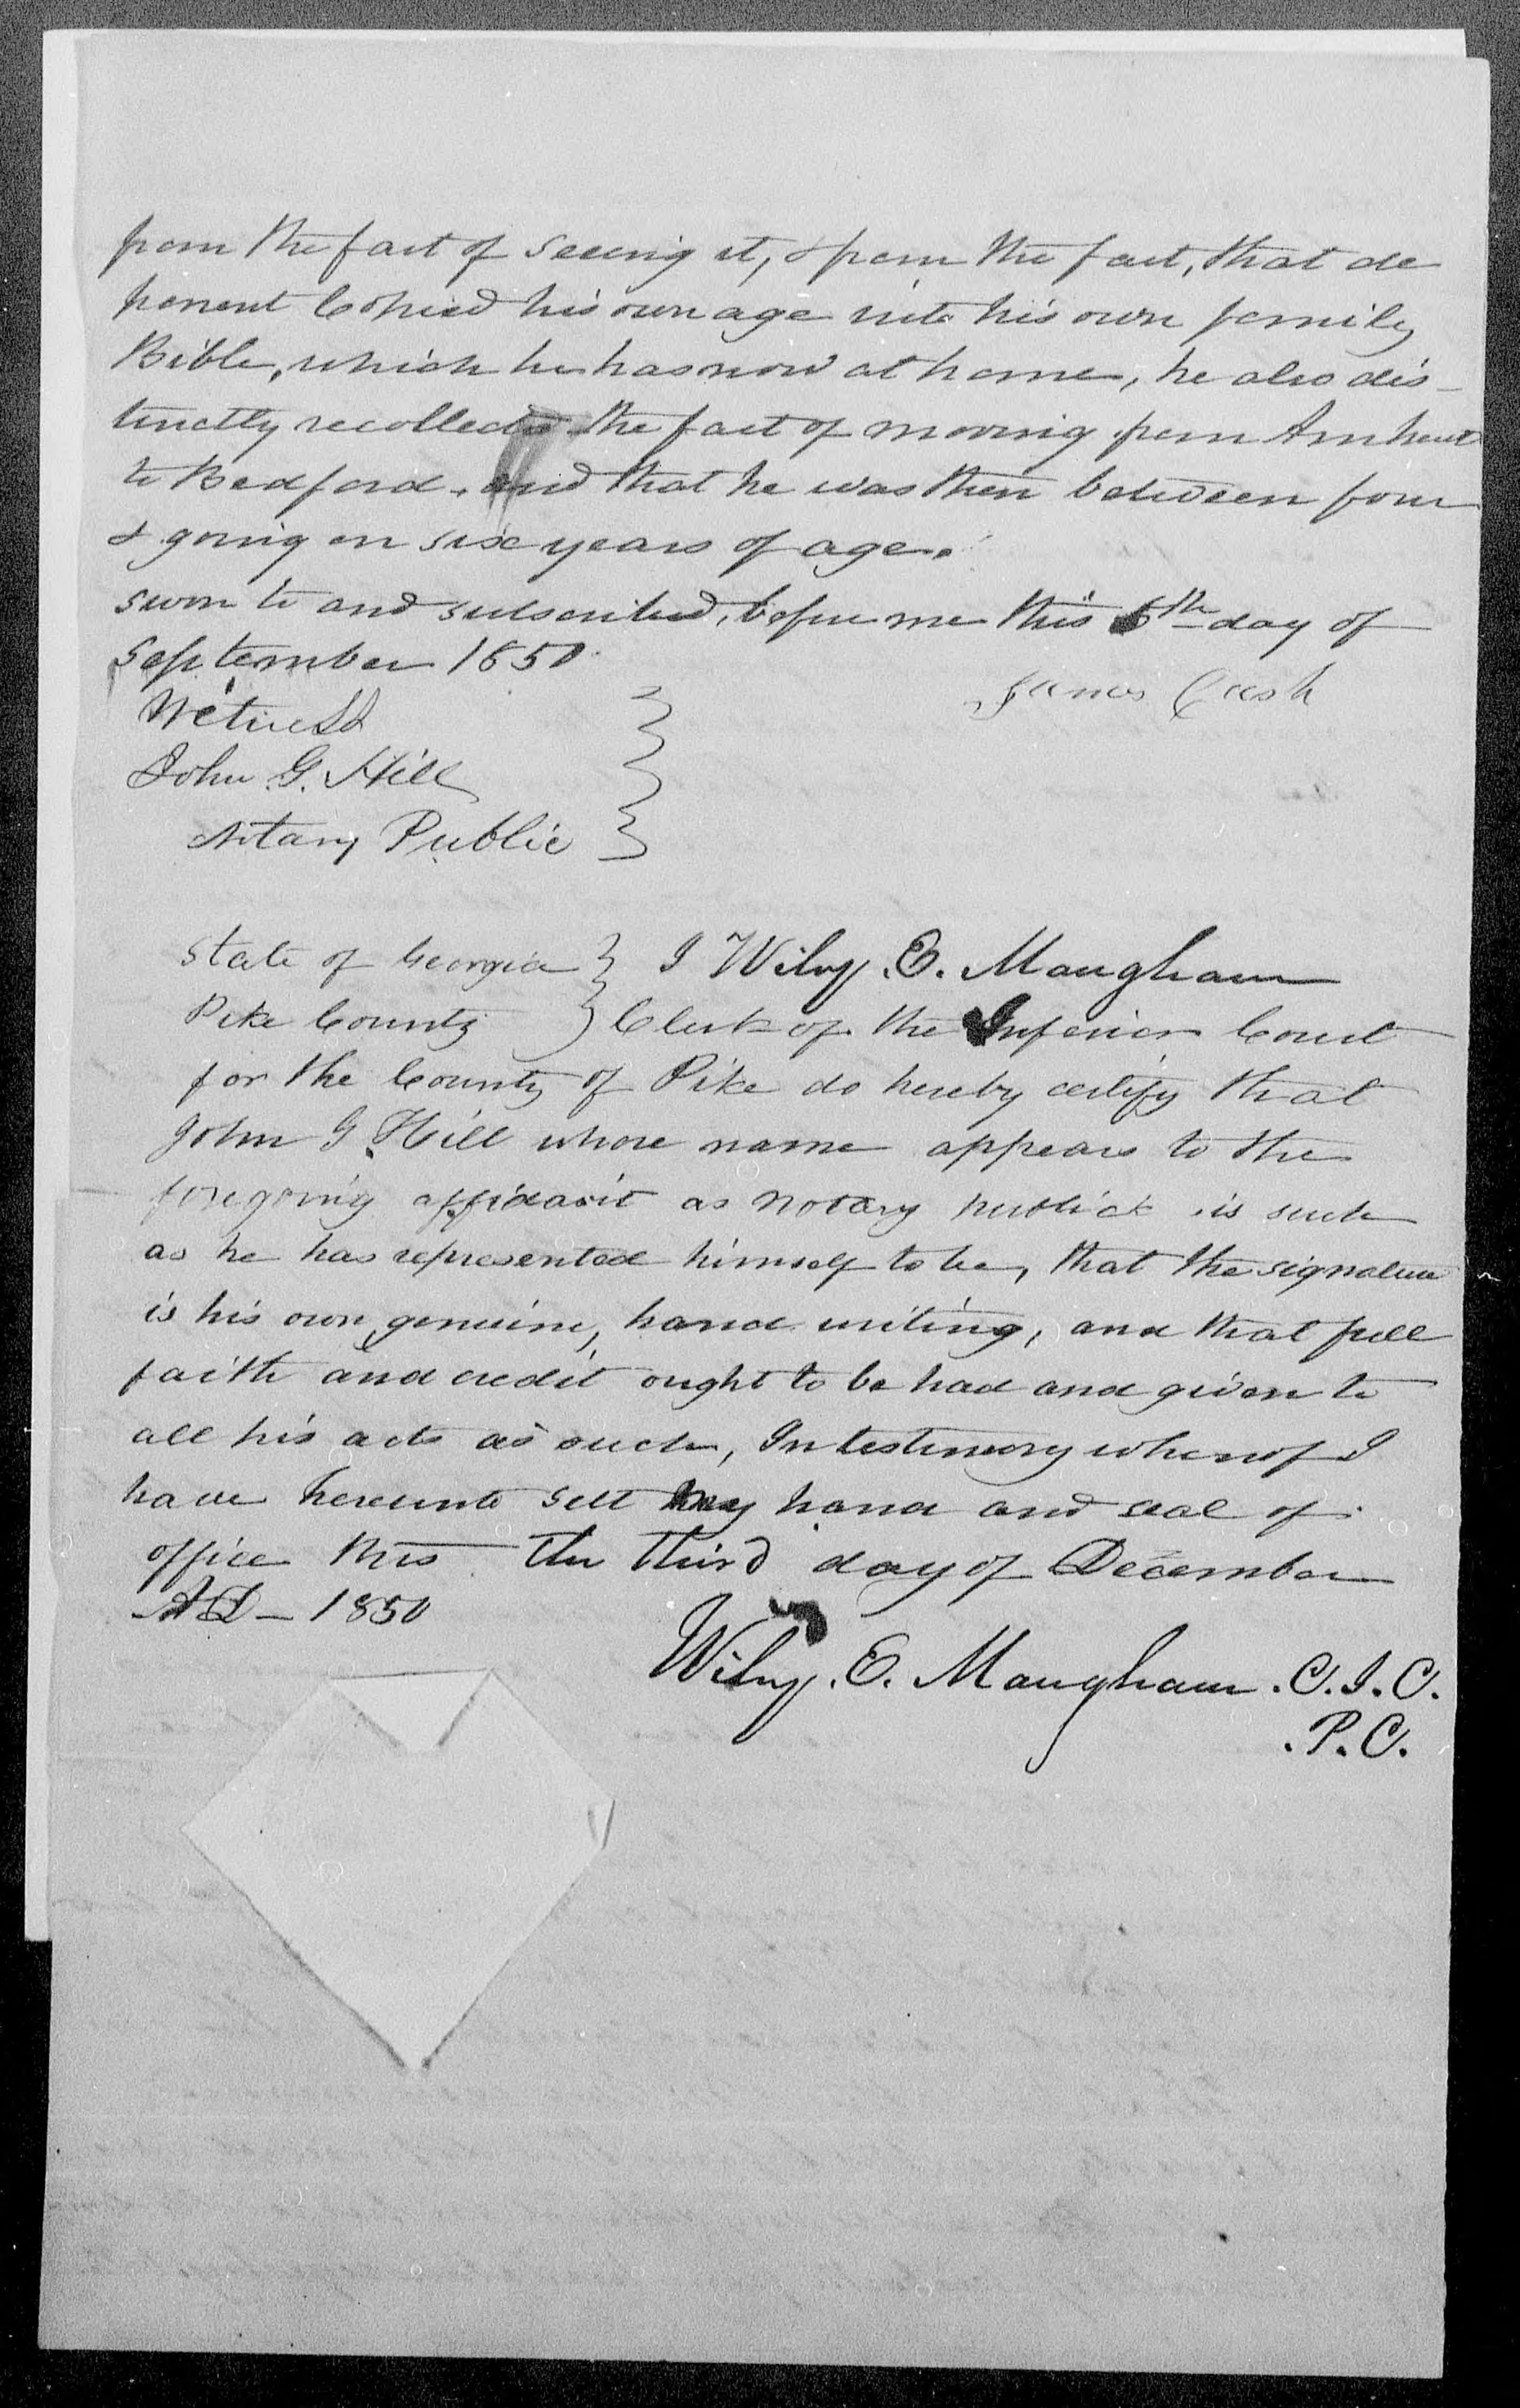from the fact of seeing it, & from the fact, that deponent copied his own age into his own family Bible, which he has now at home, he also distinctly recollect the fact of moving from Amherst to Bedford, and that he was then between four going on six years of age.

Sworn to and subscribed before me this 6th day of September 1850
                       James Cash
Witness

John G. Hill
Notary Public

State of Georgia                       
Pike County  
I Wiley E. Mangham, Pike County
Clerk of the Inferior Court for the County of Pike do hereby certify that
John G. Hill whose name appears to the
foregoing affidavit as notary public is such as he has represented himself to be, that the signature is his own genuine hand writing, and that full
faith and credit ought to be had and given to all his acts as such, In testimony whereof I have hereunto set my hand and seal of office this the third day of December AD. 1850
Wiley E. Mangham C.J.C
                                  P.C.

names: James Cash, Wiley E Mangham, John G Hill, Wiley E Mangham, John G Hill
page: 31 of 73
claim: widow's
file: W. 5,894, John Cash, Va.